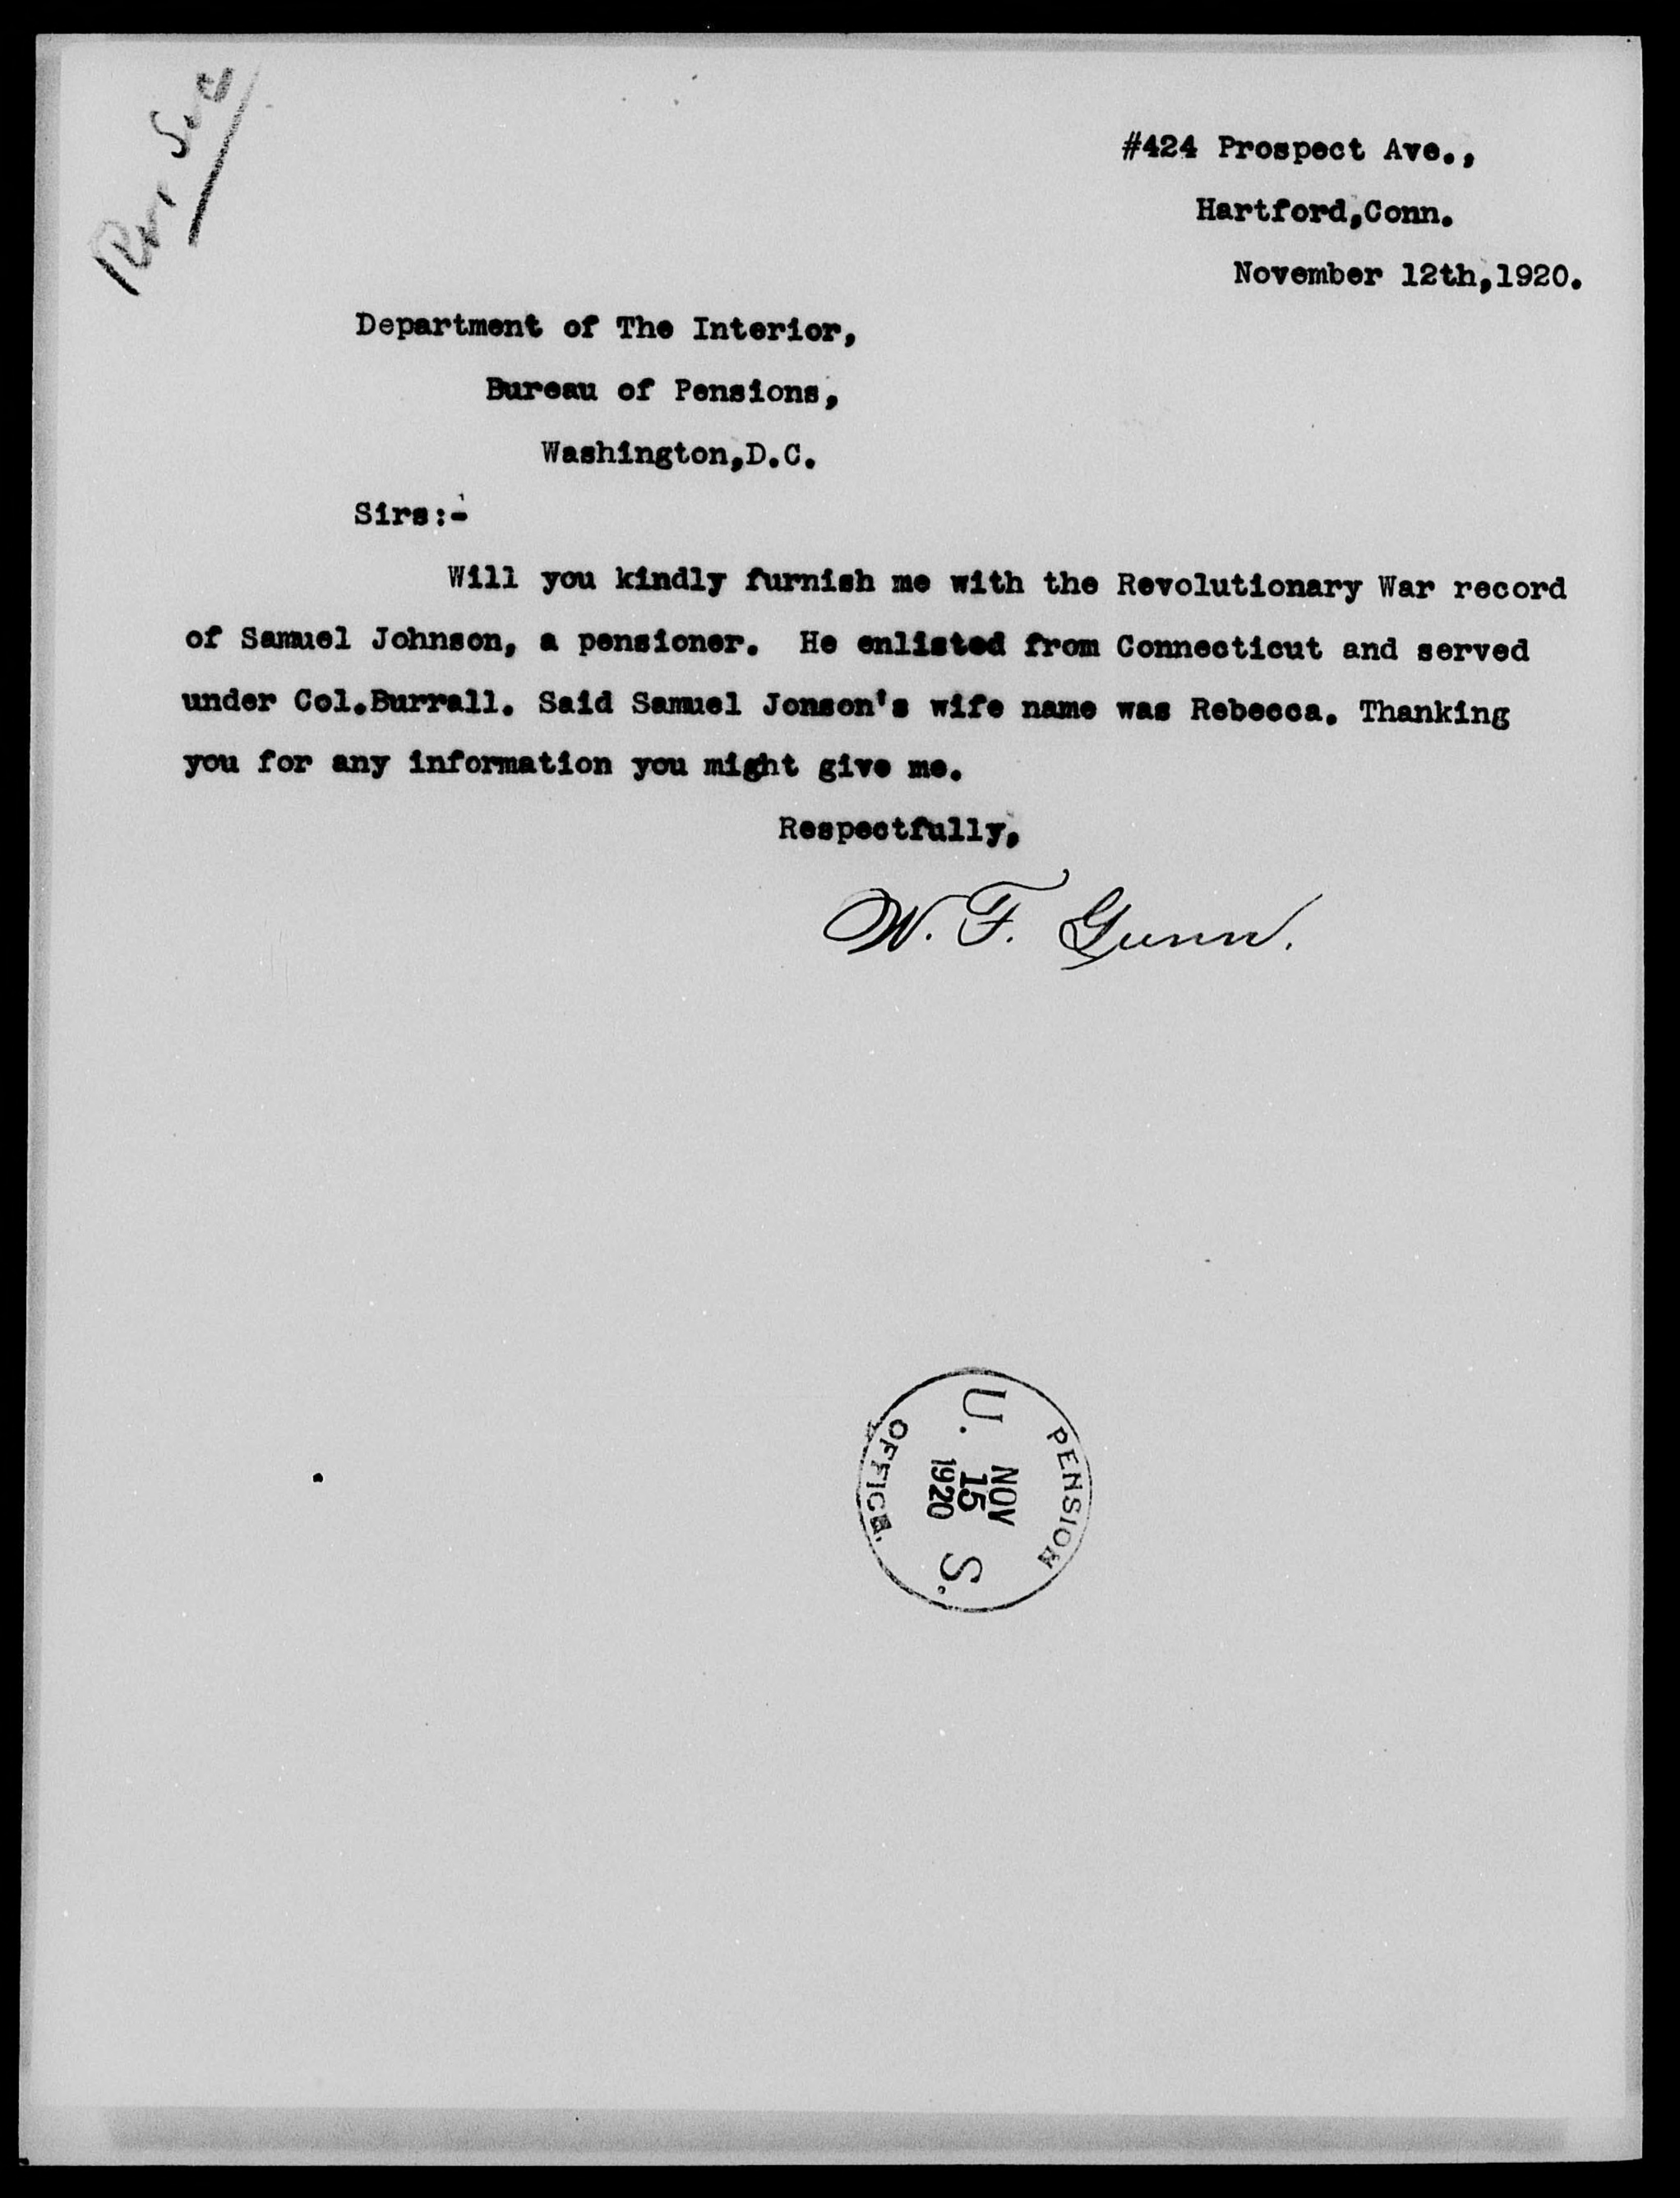Rev Sec
#424 Prospect Ave., 
Hartford, Conn. 
November 12th, 1920.
Bureau of Pensions, 
Washington, D.C. 
Sirs:-
Will you kindly furnish me with the Revolutionary War record of Samuel Johnson, a pensioner. He enlisted from Connecticut and served under Col. Burrall.  Said Samuel Jenson's wife name was Rebecca.   Thanking you for any information you might give me. 
Respectfully, 
W. F. Gunn
[stamp] U.S. PENSION OFFICE NOV 15 1920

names: [BLANK] Rebecca; W F Gunn; [BLANK] Burrall; Samuel Johnson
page: 41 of 43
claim: rejected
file: R. 5655, for Samuel Johnson, Connecticut